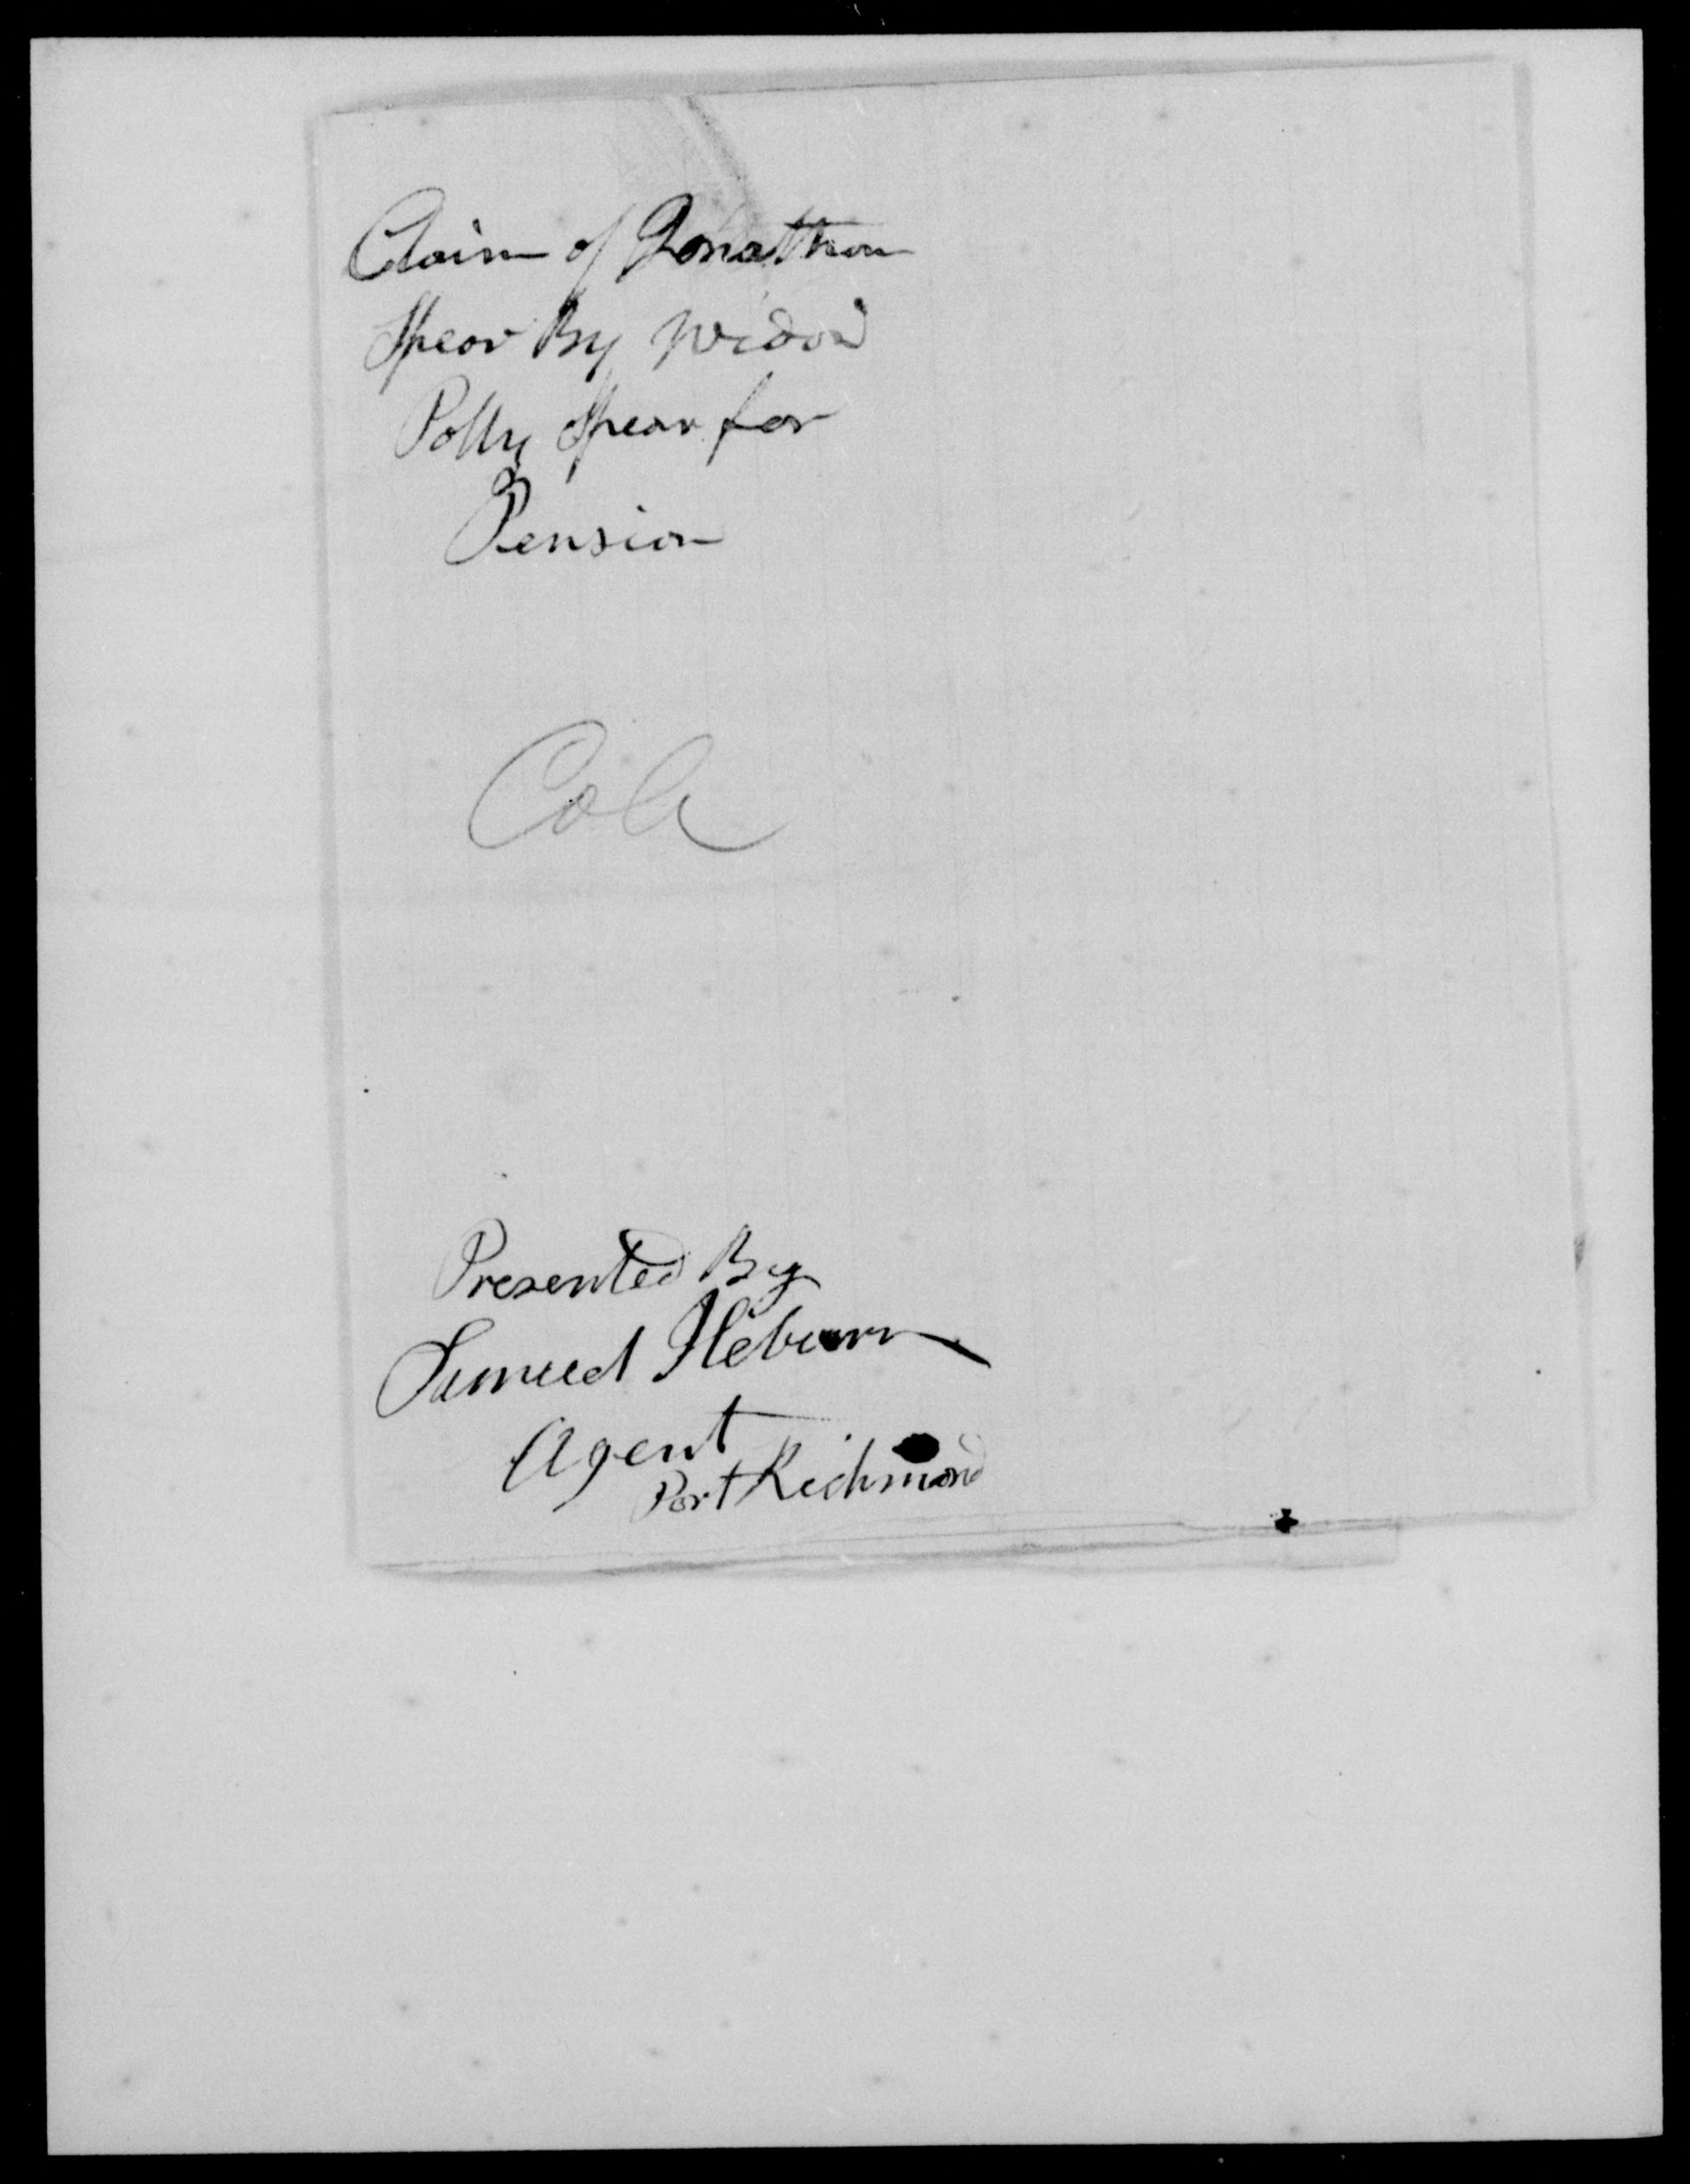Claim of Jonathan Spear by widow Polly Spear for Pension
Col
Presented by Samuel Heburn Agent Port Richmond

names: [BLANK] Cole; Samuel Heburn; Polly Spear; Jonathan Spear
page: 58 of 65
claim: widow's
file: W. 7197, for Jonathan Spear, Vermont